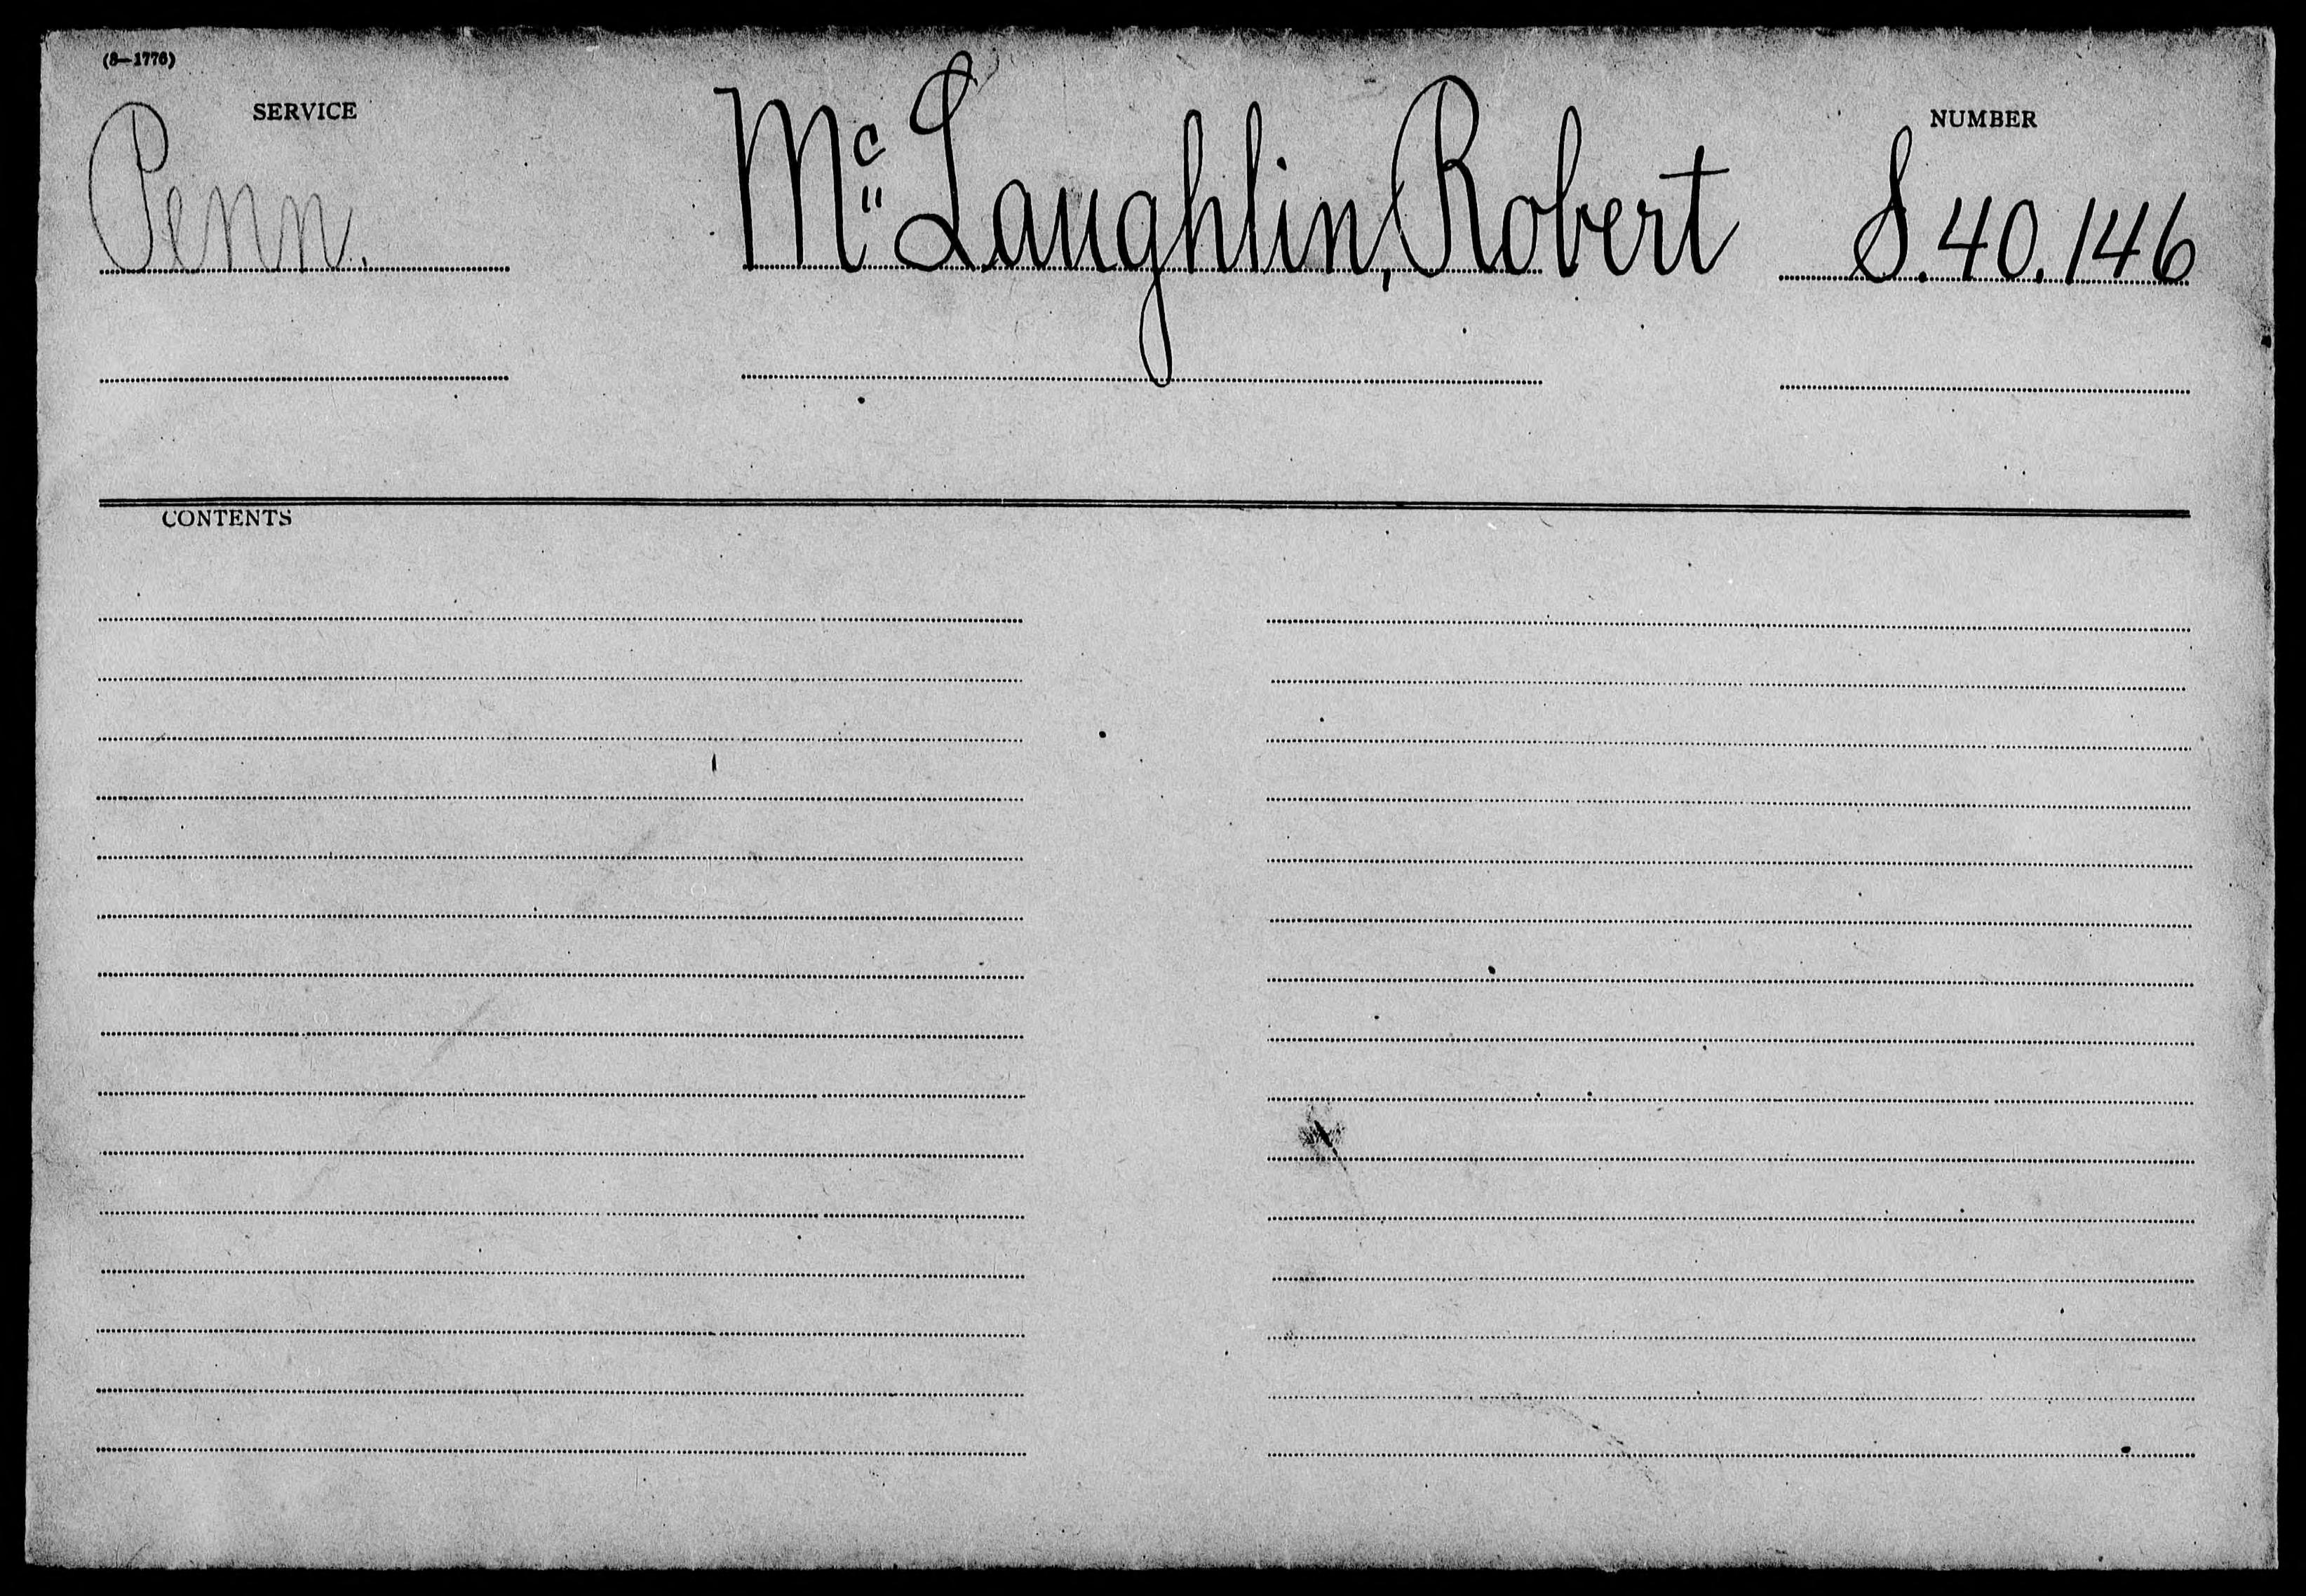(3-1776)

[upper left]
SERVICE 
Penn.
[center]
McLaughlin, Robert
[upper right]
NUMBER
S.40.146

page: 1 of 19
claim: survivor's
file: S. 40,146, for Robert Mc Laughlin, Pennsylvania